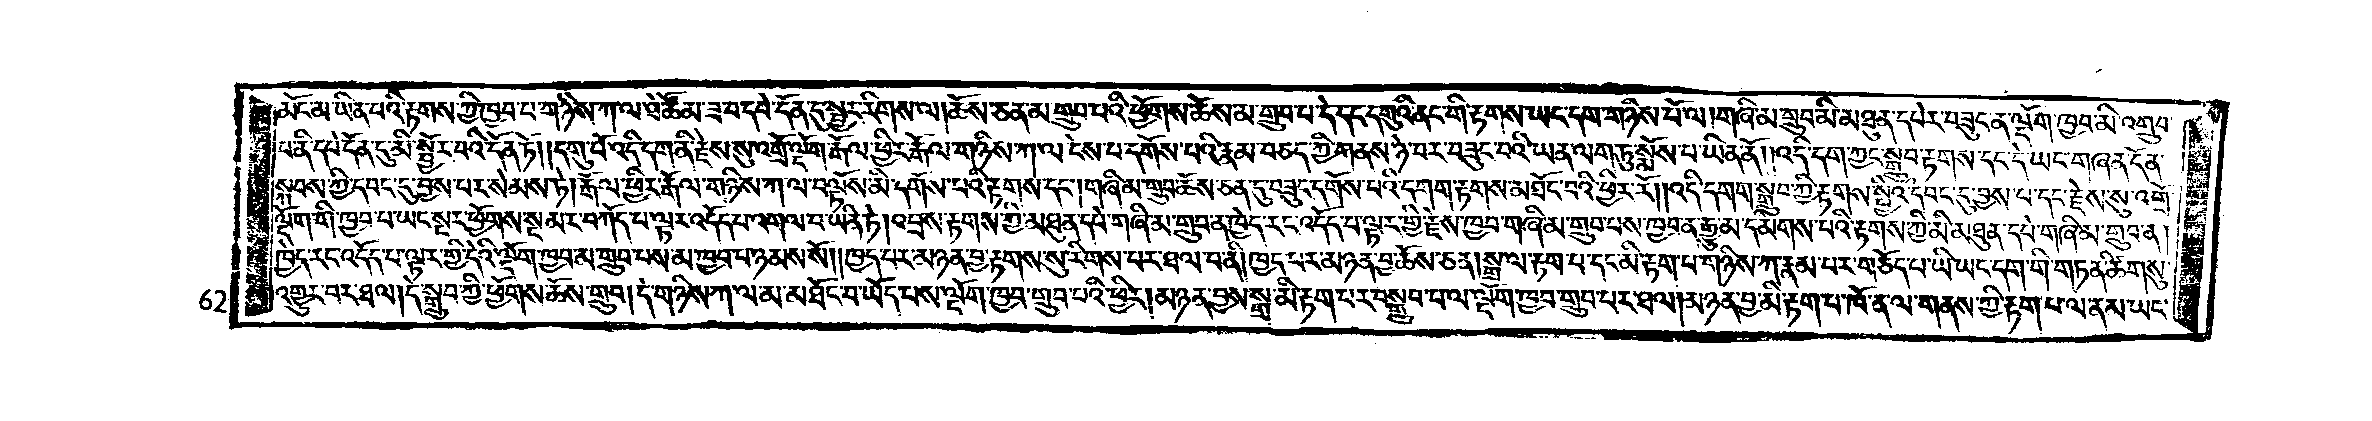མོང་མ་ཡིན་པའི་རྟགས་ཀྱི་ཁྱབ་པ་གཉིས་ཀ་ལ་ཐེ་ཚོམ་ཟ་བ་དཔེ་དོན་དུ་སྦྱར་རིགས་ལ། ཆོས་ཅན་མ་གྲུབ་པའི་ཕྱོགས་ཆོས་མ་གྲུབ་པ་དེ་དང་དགུའི་ནང་གི་རྟགས་ཡང་དག་གཉིས་པོ་ལ། གཞི་མ་གྲུབ་མི་མཐུན་དཔེར་བཟུང་ན་ལྡོག་ཁྱབ་མི་འགྲུབ་
པ་ནི་དཔེ་དོན་དུ་མི་སྦྱོར་བའི་དོན་ཏོ། །དགུ་པོ་འདི་དག་ནི་རྗེས་སུ་འགྲོ་ལྡོག་རྒོལ་ཕྱིར་རྒོལ་གཉིས་ཀ་ལ་ངེས་པ་དགོས་པའི་རྣམ་བཅད་ཀྱི་གནས་ཉེ་བར་བཟུང་བའི་ཡན་ལག་ཏུ་སྨོས་པ་ཡིན་ནོ། །འདི་དག་ཀྱང་སྒྲུབ་རྟགས་དང་དེ་ཡང་གཞན་དོན་
སྐབས་ཀྱི་དབང་དུ་བྱས་པར་སེམས་ཏེ། རྒོལ་ཕྱིར་རྒོལ་གཉིས་ཀ་ལ་བལྟོས་མི་དགོས་པའི་རྟགས་དང་། གཞི་མ་གྲུབ་ཆོས་ཅན་དུ་བཟུང་དགོས་པའི་དགག་རྟགས་མཐོང་བའི་ཕྱིར་རོ། །འདི་དགག་སྒྲུབ་ཀྱི་རྟགས་སྤྱིའི་དབང་དུ་བྱས་པ་དང་རྗེས་སུ་འགྲོ་
ལྡོག་གི་ཁྱབ་པ་ཡང་སྔར་ཕྱོགས་སྔ་མར་བཀོད་པ་ལྟར་འདོད་པ་འགལ་བ་ཡིན་ཏེ། འབྲས་རྟགས་ཀྱི་མཐུན་དཔེ་གཞི་མ་གྲུབ་ན་ཁྱེད་རང་འདོད་པ་ལྟར་གྱི་རྗེས་ཁྱབ་གཞི་མ་གྲུབ་པས་ཁྱབ་ན་རྒྱུ་མ་དམིགས་པའི་རྟགས་ཀྱི་མི་མཐུན་དཔེ་གཞི་མ་གྲུབ་ན།
ཁྱེད་རང་འདོད་པ་ལྟར་གྱི་དེའི་ལྡོག་ཁྱབ་མ་གྲུབ་པས་མ་ཁྱབ་པ་ཉམས་སོ། །ཁྱད་པར་མཉན་བྱ་རྟགས་སུ་རིགས་པར་ཐལ་བ་ནི། ཁྱད་པར་མཉན་བྱ་ཆོས་ཅན། སྒྲ་ལ་རྟག་པ་དང་མི་རྟག་པ་གཉིས་ཀ་རྣམ་པར་གཅོད་པ་ཡི་ཡང་དག་གི་གཏན་ཚིགས་སུ་
འགྱུར་བར་ཐལ། དེ་སྒྲུབ་ཀྱི་ཕྱོགས་ཆོས་གྲུབ། དེ་གཉིས་ཀ་ལ་མ་མཐོང་བ་ཡོད་པས་ལྡོག་ཁྱབ་གྲུབ་པའི་ཕྱིར། མཉན་བྱས་སྒྲ་མི་རྟག་པར་བསྒྲུབ་པ་ལ་ལྡོག་ཁྱབ་གྲུབ་པར་ཐལ། མཉན་བྱ་མི་རྟག་པ་ཁོ་ན་ལ་གནས་ཀྱི་རྟག་པ་ལ་ནམ་ཡང་